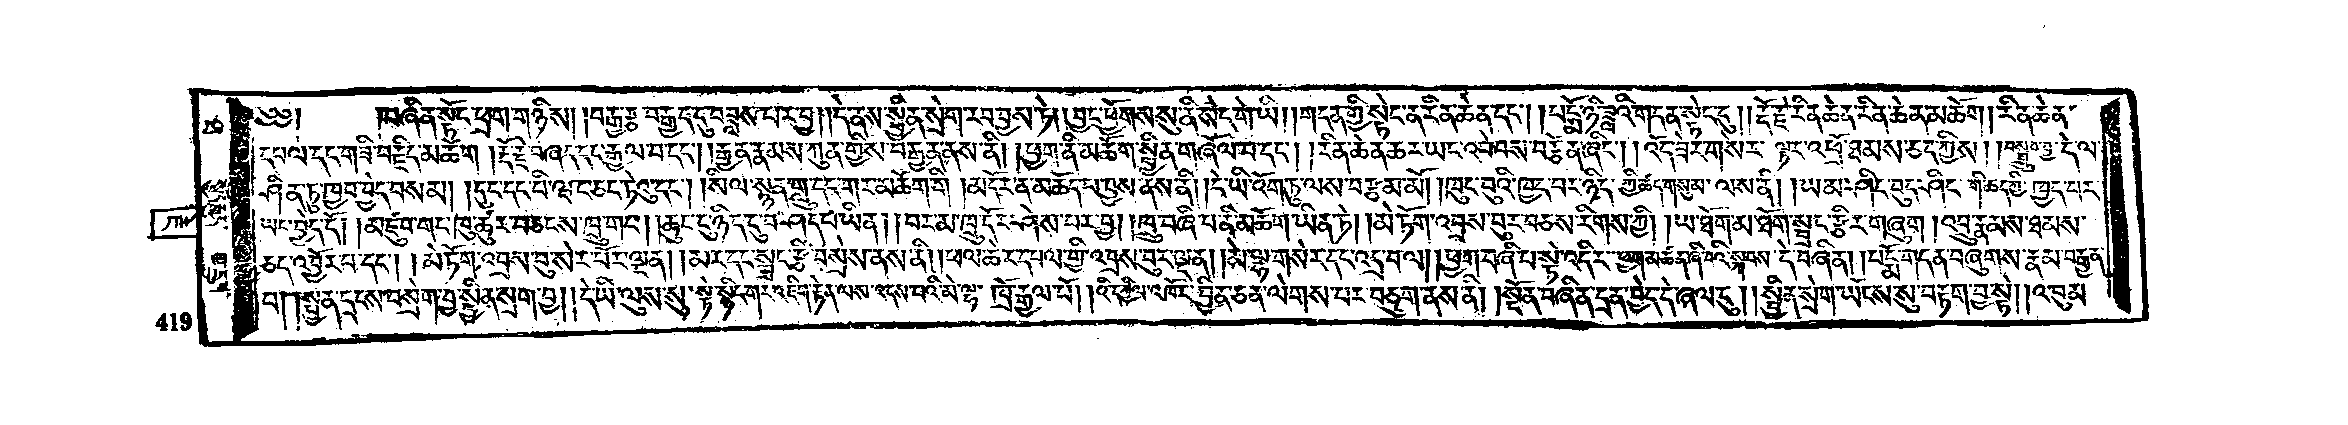༄༅། །བཞིན་སྟོང་ཕྲག་གཉིས། །བརྒྱ་རྩ་བརྒྱད་དུ་བཟླས་པར་བྱ། །དེ་ནས་སྦྱིན་སྲེག་རབ་བྱས་ཏེ། །བྱང་ཕྱོགས་སུ་ནི་སེང་གེ་ཡི། །གདན་གྱི་སྟེང་ན་རིན་ཆེན་དང་། །པདམོ་ཉི་ཟླའི་གདན་སྟེང་དུ། །རྡོ་རྗེ་རིན་ཆེན་རིན་ཆེན་མཆོག །རིན་ཆེན་
དཔལ་དང་གཟི་བརྗིད་མཆོག །རྡོ་རྗེ་བཞད་དང་རྒྱལ་བ་དང་། །རྒྱན་རྣམས་ཀུན་གྱིས་བརྒྱན་ནས་ནི། །ཕྱག་ནི་མཆོག་སྦྱིན་གཞོལ་བ་དང་། །རིན་ཆེན་ཆར་ཡང་འབེབས་བརྩོན་ཞིང་། །འོད་ཟེར་གསེར་ལྟར་འཕྲོ་ཐམས་ཅད་ཀྱིས། །བསྒྲུབ་བྱ་དེ་ལ་
ཤིན་ཏུ་ཁྱབ་བྱེད་བསམ། །དུང་དང་པི་ཝང་ཅང་ཏེའུ་དང་། །སིལ་སྙན་གླུ་དང་གར་མཆོག་གི །མདོར་ན་མཆོད་པ་བྱས་ནས་ནི། །དེ་ཡི་འོག་ཏུ་ལས་བརྩམ་མོ། །ཁུང་བུའི་ཁྱད་པར་ཉིད་ཀྱི་ཚད་གསུམ་ལས་ནི། །ཡ་མ་ཤིང་བུད་ཤིང་གི་ཆད་ཀྱི་ཁྱད་པར་
ཡང་བྱེད་དོ། །མཛུབ་གང་ཁུ་ཚུར་བཅངས་ཁྲུ་གང་། །ཆུང་ངུ་ཉིད་དུ་བཤད་པ་ཡིན། །བར་མ་ཁྲུ་དོར་ཤེས་པར་བྱ། །ཁྲུ་བཞི་པ་ནི་མཆོག་ཡིན་ཏེ། །མེ་ཏོག་འབྲས་བུར་བཅས་རིགས་ཀྱི། །ཡ་ཐོག་མ་ཐོག་སྦྲང་རྩིར་གཞུག །འབྲུ་རྣམས་ཐམས་
ཅད་འབྱོར་པ་དང་། །མེ་ཏོག་འབྲས་བུ་སེར་པོར་ལྡན། །མར་དང་སྦྲང་རྩི་བསྲེས་ནས་ནི། །ཕལ་ཆེར་དཔལ་གྱི་འབྲས་བུར་ལྡན། །མེ་ལྷ་གསེར་དང་འདྲ་བ་ལ། །ཕྱག་བཞི་པ་སྟེ་འདིར་ཕྱག་མཚན་ཞི་བའི་སྐབས་དེ་བཞིན། །པདམོ་གདན་བཞུགས་རྣམ་བརྒྱན་
པ། །སྤྱན་དྲངས་བསྲེག་བྱ་སྦྱིན་སྲག་བྱ། །དེ་ཡི་ལུས་སུ་སྟེ་སྙིང་གར་འཇིག་རྟེན་ལས་འདས་པའི་མེ་ལྷ་ཁྲོ་རྒྱལ་པོ། །འི་དཀྱིལ་འཁོར་བྱིན་ཅན་ལེགས་པར་བཅུག་ནས་ནི། །སྔོན་བཞིན་དྲན་བྱེད་དེ་ཞལ་དུ། །སྦྱིན་སྲེག་ཡོངས་སུ་བརྟག་བྱ་སྟེ། །འབུམ་